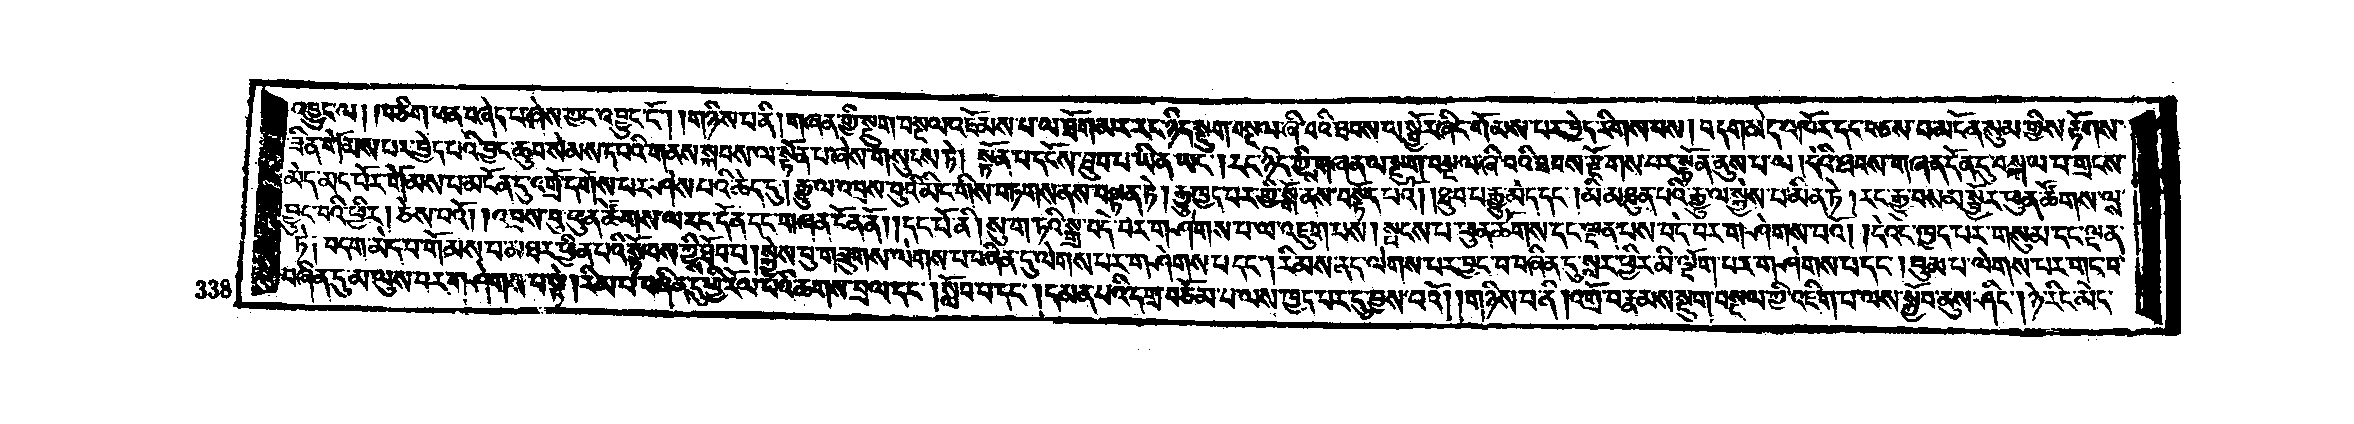འབྱུང་ལ། ཁ་ཅིག་ཕན་བཞེད་པ་ཞེས་ཀྱང་འབྱུང་ངོ། །གཉིས་པ་ནི། གཞན་གྱི་སྡུག་བསྔལ་འཇོམས་པ་ལ་ཐོག་མར་རང་ཉིད་སྡུག་བསྔལ་ཞི་བའི་ཐབས་ལ་སྦྱོར་ཟིང་གོམས་པར་བྱེད་རིགས་པས། བདག་མེད་འཁོར་དང་བཅས་པ་མངོན་སུམ་གྱིས་རྟོགས་
ཟིན་གོམས་པར་བྱེད་པ་འི་བྱང་ཆུབ་སེམས་དཔ་འི་གནས་སྐབས་ལ་སྟོན་པ་ཞེས་གསུངས་ཏེ། སྟོན་པ་དངོས་ཐུབ་པ་ཡིན་ཡང་། རང་ཉིད་གྱིས་གཞན་ལ་སྡུག་བསྔལ་ཞི་བའི་ཐབས་རྫོགས་པར་སྟོན་ནུས་པ་ལ། དེའི་ཐབས་གཞན་དོན་དུ་བསྐལ་བ་གྲངས་
མེད་མང་པོར་གོམས་པ་མངོན་དུ་འགྲོ་དགོས་པར་ཤེས་པ་འི་ཆེད་དུ། རྒྱུ་ལ་འབྲས་བུའི་མིང་གིས་བཏགས་ནས་བསྟན་ཏེ། རྒྱུ་ཁྱད་པར་གྱི་སྒོ་ནས་བསྟོད་པའོ། །ཐུབ་པ་རྒྱུ་མེད་དང་། མི་མཐུན་པ་འི་རྒྱུ་ལ་སྐྱེས་པ་མིན་ཏེ། རང་རྒྱུ་བསམ་སྦྱོར་ཕུན་ཚོགས་ལས་
བྱུང་བའི་ཕྱིར། ཅེས་པའོ། །འབྲས་བུ་ཕུན་ཚོགས་ལ་རང་དོན་དང་གཞན་དོན་ནོ། །དང་པོ་ནི། སུ་ག་ཏིའི་སྒྲ་བདེ་བར་གཤེགས་པ་ལ་འཇུག་པས། སྤངས་པ་ཕུན་ཚོགས་དང་ལྡན་པས་བདེ་བར་གཤེགས་པའོ། །དེའང་ཁྱད་པར་གསུམ་དང་ལྡན་
ཏེ༑ བདག་མེད་པ་གོམས་པ་མཐར་ཕྱིན་པ་འི་སྟོབས་ཀྱི་ཐོབ་པ་། སྐྱེས་གཟུགས་ལེགས་པ་བཞིན་དུ་ལེགས་པར་གཤེགས་པ་དང་། རིམས་ནད་ལེགས་པར་བྱང་བ་བཞིན་དུ་སླར་ཕྱིར་མི་ལྡོག་པར་གཤེགས་པ་དང་། བུམ་པ་ལེགས་པར་གང་བ་
བཞིན་དུ་མ་ལུས་པར་གཤེགས་པ་སྟེ། རིམ་པ་བཞིན་དུ་ཕྱི་རོལ་པ་འི་ཆགས་བྲལ་དང་། སློབ་པ་དང་། དམན་པ་འི་དགྲ་བཅོམ་པ་ལས་ཁྱད་པར་དུ་བྱས་པའོ། །གཉིས་པ་ནི། འགྲོ་བ་རྣམས་སྡུག་བསྔལ་ཀྱི་འཇིག་པ་ལས་སྐྱོབ་ནུས་ཤིང་། ཉེ་རིང་མེད་